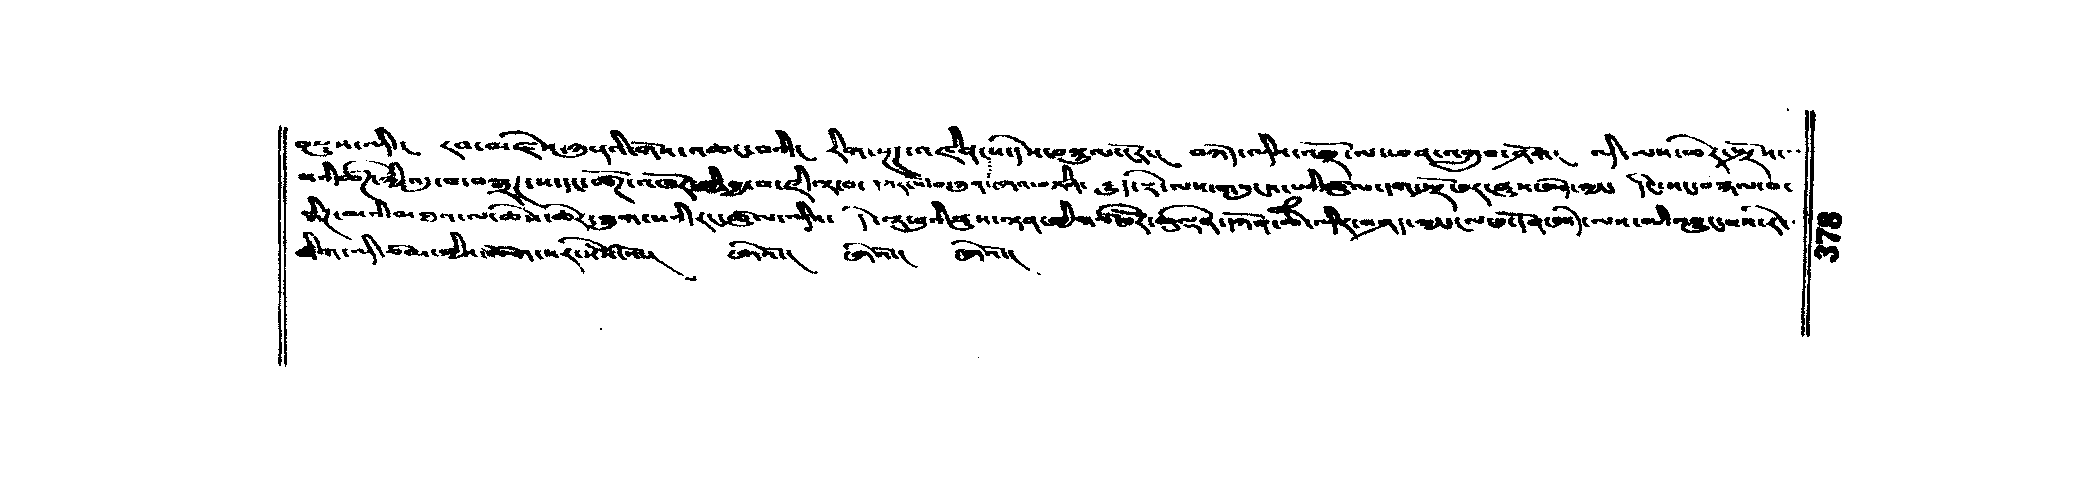བསྡུས་འདི། རབ་མཛེས་ཀུ་རའི་གོས་འཆང་བའི། རིག་སྔགས་འཛིན་པ་ ༼དཀར་པོ་བ་ཀུན་དགའ་བསྟན་འཛིན་༽དེས་བསྐུལ་ངོར། །བཀོད་འདིས་འགྲོ་ལ་ཕན་འགྲུབ་ཤོག་།དེ་ལས་ཆེར་སྤྲོས་
པའི་ཚོགས་ཀྱི་འདུ་བ་བསྒྲགས་པ་དང་ཚོགས་འཁོར་གྱི་བྱ་བ་ཇི་ལྟ་བ་རྒྱུད་སྡེ་ལས་གསུངས་པའི་ཚུལ་དག་སྤྲོ་བར་ནུས་མོད་ཀྱང་། དེིང་སང་བསྐལ་བ་
སྙིགས་མའི་མཐའ་ལ་ཆེས་ཆེར་ཐུག་པའི་རང་ཚུལ་འདིས། དེ་ལྟ་བུའི་ནུས་ལྡན་གྱི་གཙོ་ཆེར་ཚུལ་ལྡན་དགོན་ཆེ་འདིར་བཤད་ཀྱང་ངལ་བ་དོན་མེད་ལས་མི་འགྱུར་བས་རེ་
ཞིག་འདི་ཙམ་གྱིས་ཆོག་པར་སེམས་སོ།།